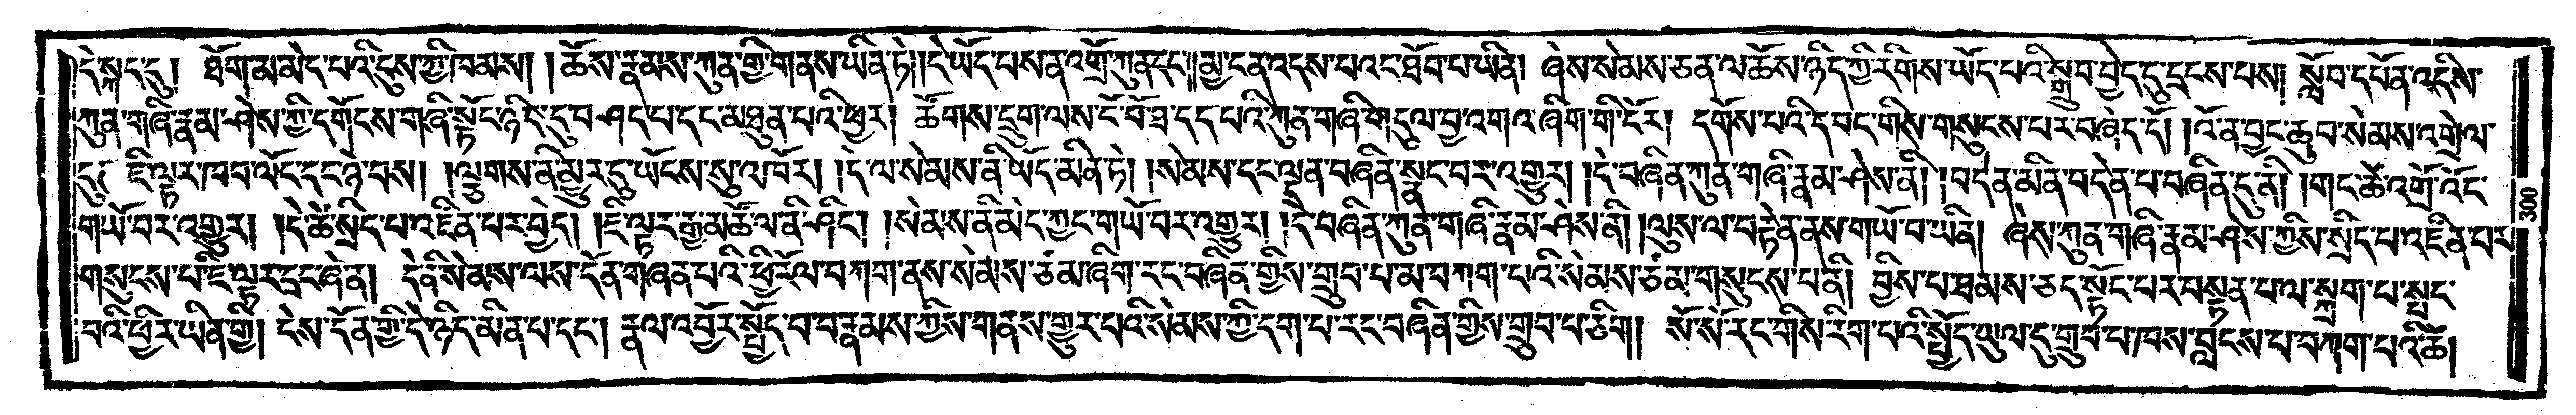དེ་སྐད་དུ། ཐོག་མ་མེད་པའི་དུས་ཀྱི་ཁམས། །ཆོས་རྣམས་ཀུན་གྱི་གནས་ཡིན་ཏེ། །དེ་ཡོད་པས་ན་འགྲོ་ཀུན་དང་། །མྱ་ངན་འདས་པའང་ཐོབ་པ་ཡིན། ཞེས་སེམས་ཅན་ལ་ཆོས་ཉིད་ཀྱི་རིགས་ཡོད་པའི་སྒྲུབ་བྱེད་དུ་དྲངས་པས། སློབ་དཔོན་འདིས་
ཀུན་གཞི་རྣམ་ཤེས་ཀྱི་དགོངས་གཞི་སྟོང་ཉིད་དུ་བཤད་པ་དང་མཐུན་པའི་ཕྱིར། ཚོགས་དྲུག་ལས་ངོ་བོ་ཐ་དད་པའི་ཀུན་གཞི་གདུལ་བྱ་འགའ་ཞིག་གི་ངོར། དགོས་པའི་དབང་གིས་གསུངས་པར་བཞེད་དོ། །འོ་ན་བྱང་ཆུབ་སེམས་འགྲེལ་
དུ༑ ཇི་ལྟར་ཁབ་ལོང་དང་ཉེ་བས། །ལྕགས་ནི་མྱུར་དུ་ཡོངས་སུ་འཁོར། །དེ་ལ་སེམས་ནི་ཡོད་མིན་ཏེ། །སེམས་དང་ལྡན་བཞིན་སྣང་བར་འགྱུར། །དེ་བཞིན་ཀུན་གཞི་རྣམ་ཤེས་ནི། །བདེན་མིན་བདེན་པ་བཞིན་དུ་ནི། །གང་ཚེ་འགྲོ་འོང་
གཡོ་བར་འགྱུར། །དེ་ཚེ་སྲིད་པ་འཛིན་པར་བྱེད། །ཇི་ལྟར་རྒྱ་མཚོ་ལ་ནི་ཤིང་། །སེམས་ནི་མེད་ཀྱང་གཡོ་བར་འགྱུར། །དེ་བཞིན་ཀུན་གཞི་རྣམ་ཤེས་ནི། །ལུས་ལ་བརྟེན་ནས་གཡོ་བ་ཡིན། ཞེས་ཀུན་གཞི་རྣམ་ཤེས་ཀྱིས་སྲིད་པ་འཛིན་པར་
གསུངས་པ་ཇི་ལྟར་དྲང་ཞེ་ན། དེ་ནི་སེམས་ལས་དོན་གཞན་པའི་ཕྱི་རོལ་བཀག་ནས་སེམས་ཙམ་ཞིག་རང་བཞིན་གྱིས་གྲུབ་པ་མ་བཀག་པའི་སེམས་ཙམ་གསུངས་པ་ནི། བྱིས་པ་ཐམས་ཅད་སྟོང་པར་བསྟན་པ་ལ་སྐྲག་པ་སྤང་
བའི་ཕྱིར་ཡིན་གྱི། ངེས་དོན་གྱི་དེ་ཉིད་མིན་པ་དང་། རྣལ་འབྱོར་སྤྱོད་པ་བ་རྣམས་ཀྱིས་གནས་གྱུར་པའི་སེམས་ཀྱི་དག་པ་རང་བཞིན་གྱིས་གྲུབ་པ་ཅིག། སོ་སོ་རང་གིས་རིག་པའི་སྤྱོད་ཡུལ་དུ་གྲུབ་པ་ཁས་བླངས་པ་བཀག་པའི་ཚེ།